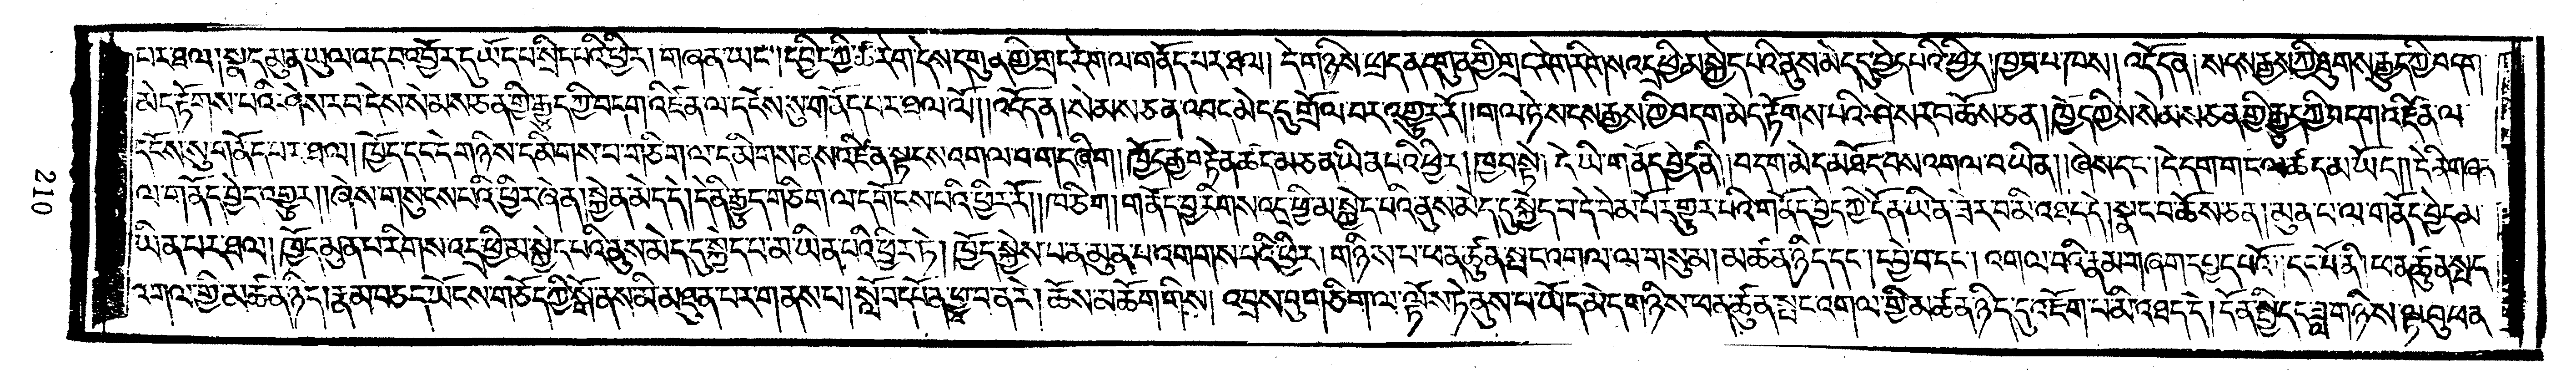པར་ཐལ། སྣང་མུན་ཡུལ་འདབ་འབྱར་དུ་ཡོད་པ་སྲིད་པའི་ཕྱིར། གཞན་ཡང་། དཔྱིད་ཀྱི་ཚ་རེག་དེས་དགུན་གྱི་གྲང་རེག་ལ་གནོད་པར་ཐལ། དེ་གཉིས་ཕྲད་ན་དགུན་གྱི་གྲང་རེག་རིགས་འདྲ་ཕྱི་མ་སྐྱེད་པའི་ནུས་མེད་དུ་བྱེད་པའི་ཕྱིར། ཁྱབ་པ་ཁས། འདོད་ན། སངས་རྒྱས་ཀྱི་ཐུགས་རྒྱུད་ཀྱི་བདག་
མེད་རྟོགས་པའི་ཤེས་རབ་དེས་སེམས་ཅན་གྱི་རྒྱུད་ཀྱི་བདག་འཛིན་ལ་དངོས་སུ་གནོད་པར་ཐལ་ལོ། །འདོད་ན། སེམས་ཅན་འབད་མེད་དུ་གྲོལ་བར་འགྱུར་རོ། །གལ་ཏེ་སངས་རྒྱས་ཀྱི་བདག་མེད་རྟོགས་པའི་ཤས་རབ་ཆོས་ཅན། ཁྱོད་ཀྱིས་སེམས་ཅན་གྱི་རྒྱུད་ཀྱི་བདག་འཛིན་ལ་
དངོས་སུ་གནོད་པར་ཐལ། ཁྱོད་དང་དེ་གཉིས་དམིགས་པ་གཅིག་ལ་དམིགས་ནས་འཛིན་སྟངས་འགལ་བ་གང་ཞིག །ཁྱོད་རྒྱབ་རྟེན་ཚད་མ་ཅན་ཡིན་པའི་ཕྱིར། ཁྱབ་སྟེ། དེ་ཡི་གནད་བྱེད་ནི། །བདག་མེད་མཐོང་བས་འགལ་བ་ཡིན། །ཞེས་དང་། དེ་དག་གང་ལ་ཚད་མ་ཡོད། །དེ་ནི་གཞན་
ལ་གནོད་བྱེད་འགྱུར། །ཞེས་གསུངས་པའི་ཕྱིར་ཞེ་ན། སྐྱོན་མེད་དེ། དེ་ནི་རྒྱུད་གཅིག་ལ་དགོངས་པའི་ཕྱིར་རོ། །ཁ་ཅིག །གནོད་བྱ་རིགས་འདྲ་ཕྱི་མ་སྐྱེད་པའི་ནུས་མེད་དུ་སྐྱེད་པ་དེ་བེམ་པོར་གྱུར་པའི་གནོད་བྱེད་ཀྱི་དོན་ཡིན་ཟེར་བ་མི་འཐད་དེ། སྣང་བ་ཆོས་ཅན། མུན་པ་ལ་གནོད་བྱེད་མ་
ཡིན་པར་ཐལ། ཁྱོད་མུན་པ་རིགས་འདྲ་ཕྱི་མ་སྐྱེད་པའི་ནུས་མེད་དུ་སྐྱེད་པ་མ་ཡིན་པའི་ཕྱིར་ཏེ། ཁྱོད་སྐྱེས་པ་ན་མུན་པ་འགག་པའི་ཕྱིར། གཉིས་པ་ཕན་ཚུན་སྤང་འགལ་ལ་གསུམ། མཚན་ཉིད་དང་། དབྱེ་བ་དང་། འགལ་བའི་རྣམ་གཞག་དཔྱད་པའོ། །དང་པོ་ནི། ཕན་ཚུན་སྤང་
འགལ་གྱི་མཚན་ཉིད། རྣམ་བཅད་ཡོངས་གཅོད་ཀྱི་སྒོ་ནས་མི་མཐུན་པར་གནས་པ། སློབ་དཔོན་ཕྱྭ་?་བ་ན་རེ། ཆོས་མཆོག་གིས། འབྲས་བུ་གཅིག་ལ་ལྟོས་ཏེ་ནུས་པ་ཡོད་མེད་གཉིས་ཕན་ཚུན་སྤང་འགལ་གྱི་མཚན་ཉིད་དུ་འཇོག་པ་མི་འཐད་དེ། དོན་སྤྱི་དང་ཟླ་གཉིས་ལྟ་བུ་ཕན་